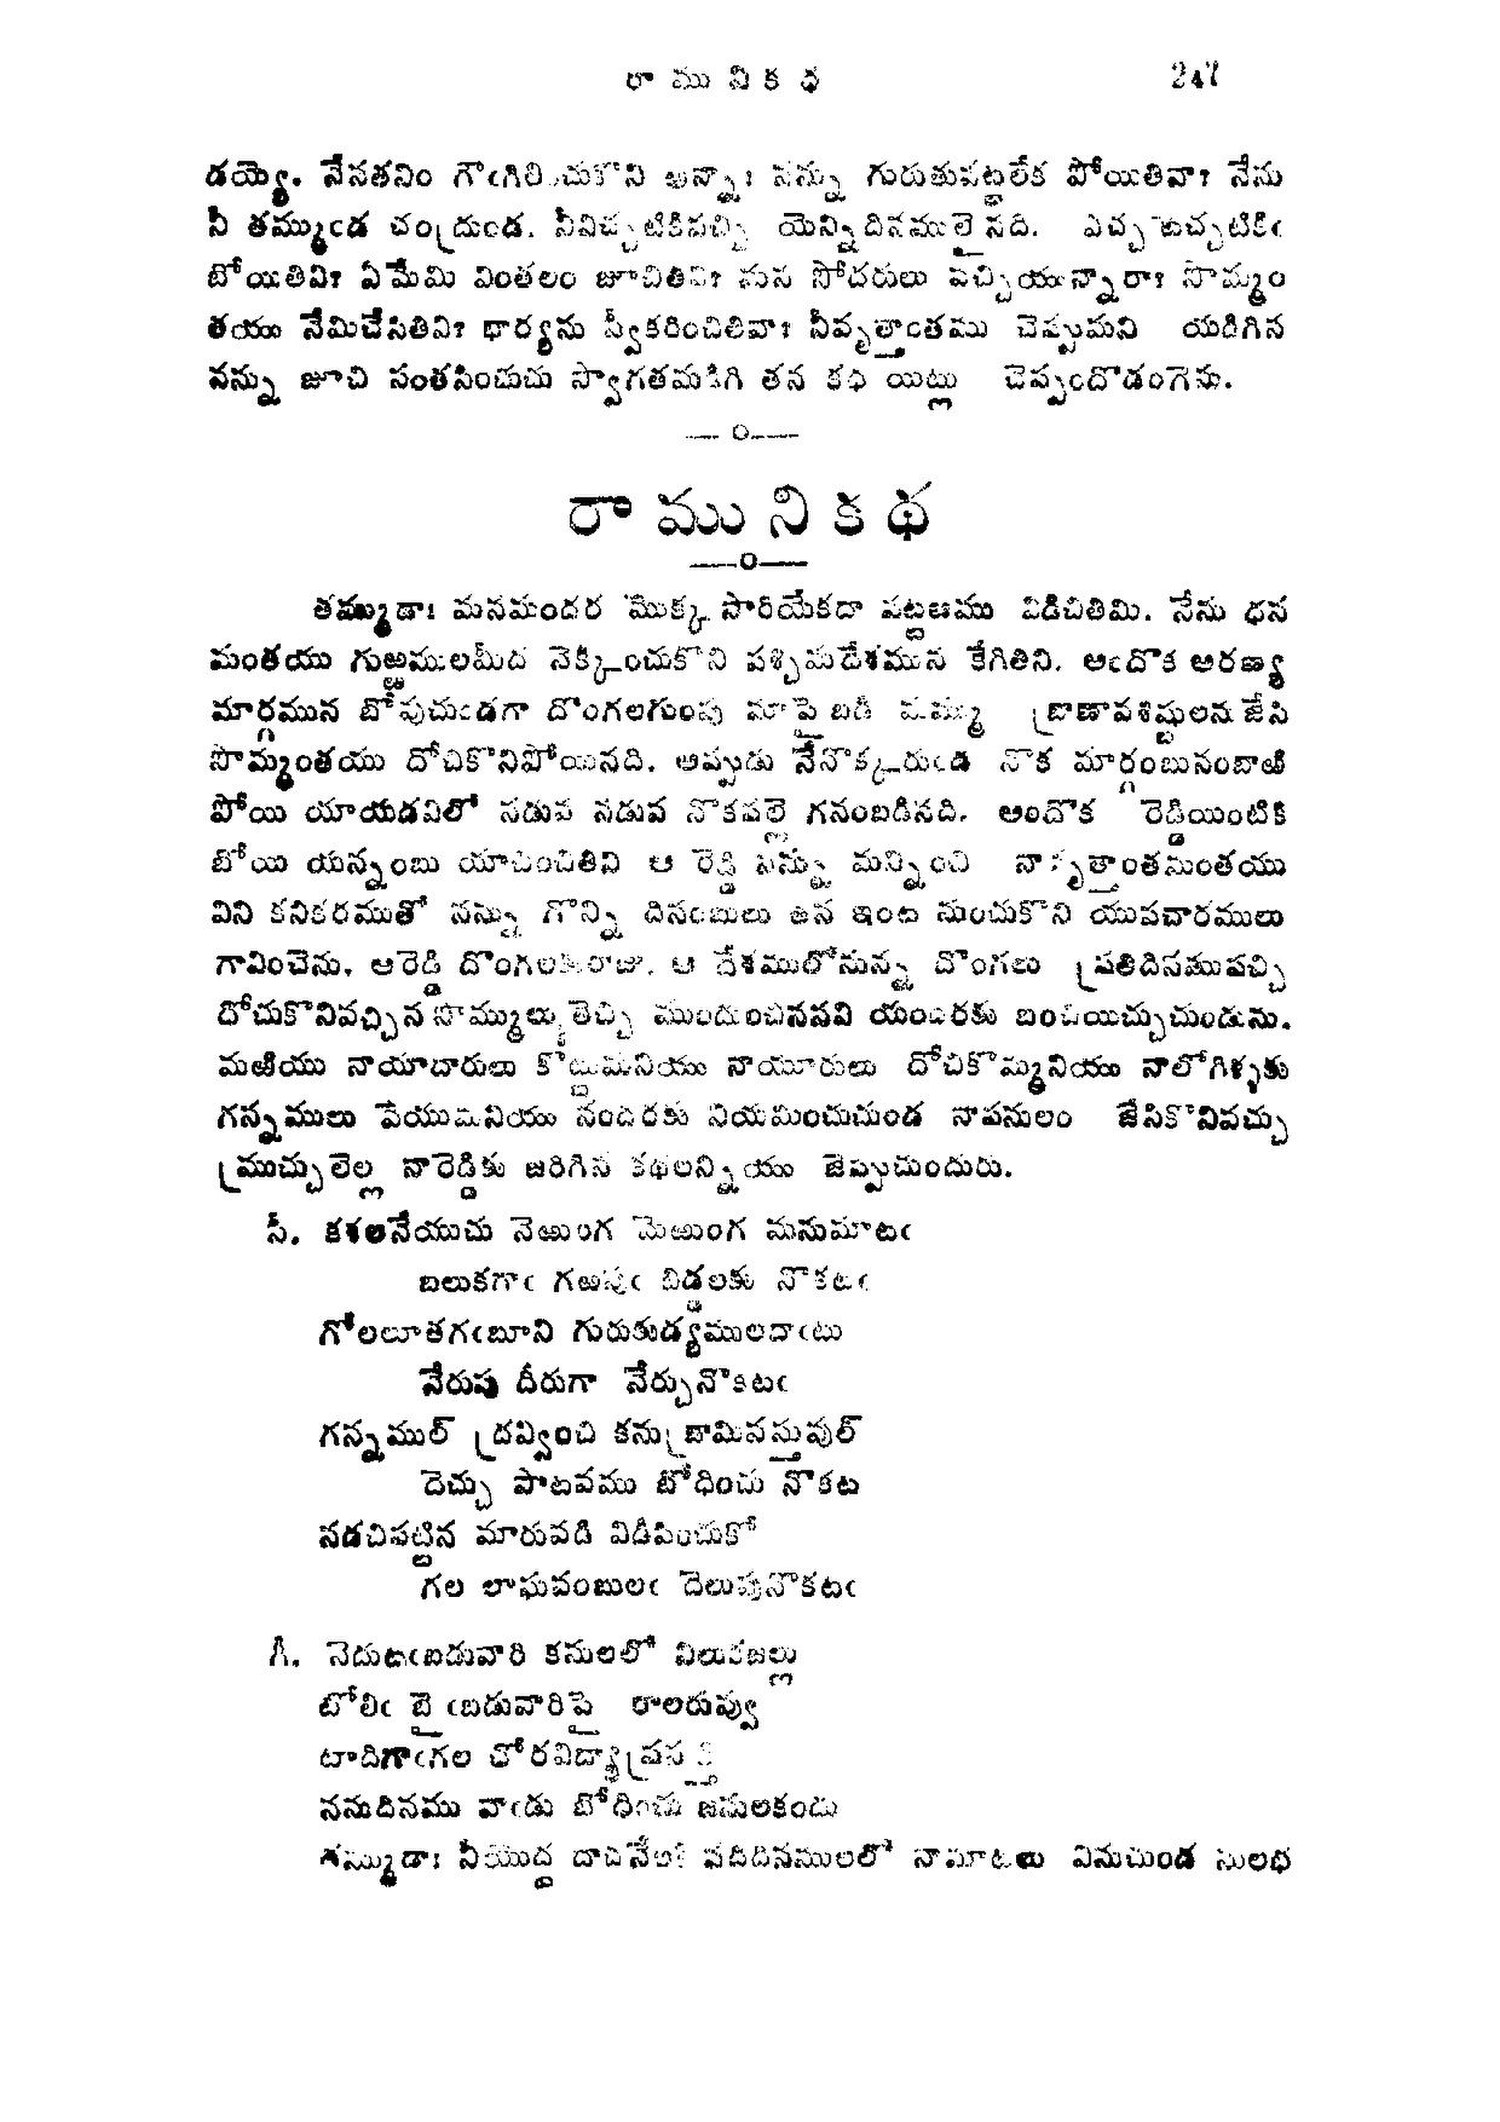డయ్యె. నేనతనిం గౌఁగిలించుకొని అన్నా ! నన్ను గురుతుపట్టలేక పోయితివా? నేను నీ తమ్ముండ చంద్రుండ. నీవిచ్చటికివచ్చి యెన్నిదినములైనది. ఎచ్చటెచ్చటికిఁ బోయితివి? ఏమేమి వింతలం జూచితివి? మన సోదరులు వచ్చియున్నారా? సొమ్మంతయు నేమిచేసితివి? భార్యను స్వీకరించితివా? నీవృత్తాంతము చెప్పుమని యడిగిన నన్ను జూచి సంతసించుచు స్వాగతమడిగి తన కథ యిట్లు చెప్పందొడంగెను.

రామునికథ

తమ్ముడా! మనమందర మొక్క సారియేకదా పట్టణము విడిచితిమి. నేను ధనమంతయు గుఱ్ఱములమీద నెక్కించుకొని పశ్చిమదేశమున కేగితిని. అందొక అరణ్యమార్గమున బోవుచుండగా దొంగలగుంపు మాపై బడి మమ్ము బ్రాణావశిష్టులనుజేసి సొమ్మంతయు దోచికొనిపోయినది. అప్పుడు నేనొక్కరుఁడ నొకమార్గంబునం బాఱిపోయి యాయడవిలో నడువ నడువ నొకపల్లె గనంబడినది. అందొక రెడ్డియింటికి బోయి యన్నంబు యాచించితిని ఆ రెడ్డి నన్ను మన్నించి నావృత్తాంతమంతయు విని కనికరముతో నన్ను గొన్ని దినంబులు తన ఇంట నుంచుకొని యుపచారములు గావించెను. ఆరెడ్డి దొంగలకురాజు. ఆ దేశములోనున్న దొంగలు ప్రతిదినమువచ్చి దోచుకొనివచ్చిన సొమ్ములు తెచ్చి ముందుంచిననవి యందరకు బంచియిచ్చుచుండును. మఱియు నాయదారులు కొట్టుమనియు నాయూరులు దోచికొమ్మనియు నాలోగిళ్ళకు గన్నములు వేయుమనియు నందరకు నియమించుచుండ నాపనులం జేసికొనివచ్చు మ్రుచ్చు లెల్ల నారెడ్డికు జరిగిన కథలన్నియు జెప్పుచుందురు.

సీ. కళలనేయుచు నెఱుంగ మెఱుంగ మనుమాటఁ
 బలుకగాఁ గఱపుఁ బిడ్డలకు నొకటఁ
 గోలలూతగఁబూని గురుకుడ్యములదాఁటు
 నేరుపు దీరుగా నేర్చునొకటఁ
 గన్నముల్ ద్రవ్వించి కనుబ్రామివస్తువుల్
 దెచ్చు పాటవము బోధించు నొకట
 నడచిపట్టిన మారువడి విడిపించుకో
 గల లాఘవంబులఁ దెలుపునొకటఁ
గీ. నెదుటఁబడువారి కనులలో నిలువల్లు
 బోలిఁ బైఁ బడువారిపై రాలరువ్వు
 టాదిగాఁగల చోరవిద్యా ప్రసక్తి
 ననుదినము వాఁడు బోధించు జనులకందు
తమ్ముడా! నీయొద్ద దాచనేల? పదిదినములలో నామాటలు వినుచుండ సులభ